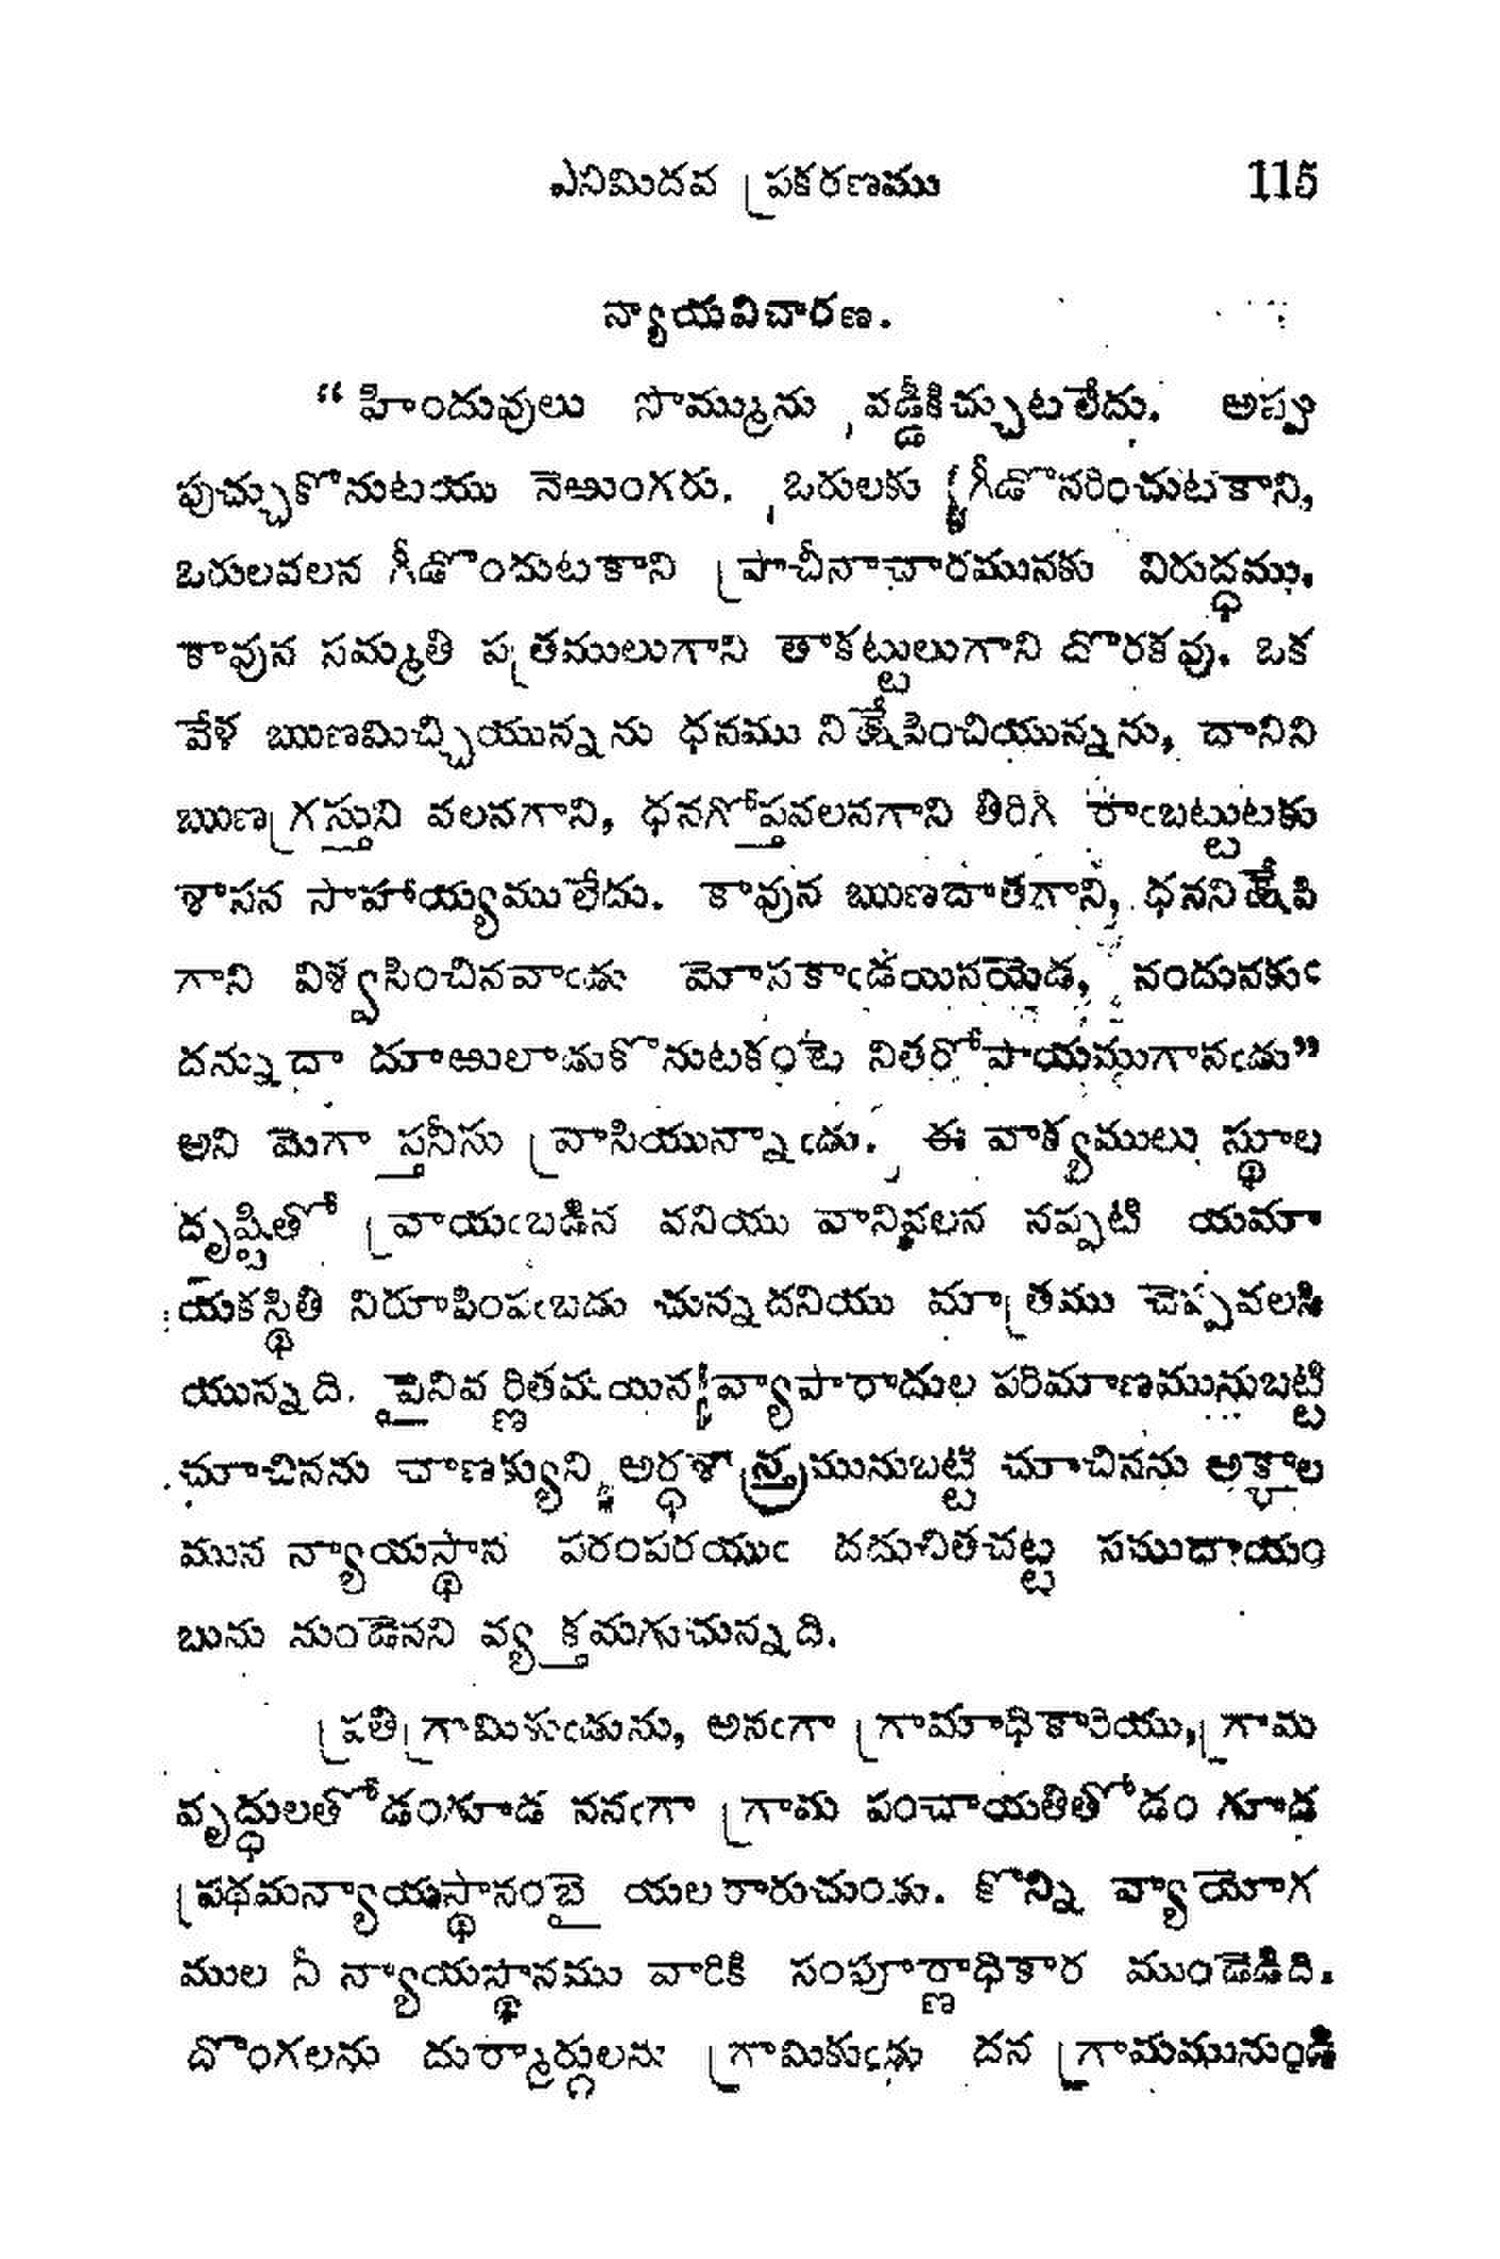న్యాయవిచారణ

"హిందువులు సొమ్మును, వడ్డీకిచ్చుట లేదు. అప్పు పుచ్చుకొనుటయు నెఱుంగరు. ఒరులకు గ్రీడొనరించుటకాని, ఒరులవలన గీడొందుటకాని ప్రాచీనాచారమునకు విరుద్దము. కావున సమ్మతి పత్రములుగాని తాకట్టులుగాని దొరకవు. ఒక వేళ ఋణమిచ్చియున్నను ధనము నిక్షేపించియున్నను, దానిని ఋణగ్రస్తుని వలనగాని, ధనగోప్తవలనగాని తిరిగి రాఁబట్టుటకు శాసన సాహాయ్యము లేదు. కావున ఋణదాతగాని, ధననిక్షేపిగాని విశ్వసించినవాఁడు మోసకాఁడయినయెడ, నందునకు దన్నుదా దూఱులాడుకొనుటకంటె నితరోపాయముగానఁడు” అని మెగాస్తనీసు వాసియున్నాఁడు. ఈ వాక్యములు స్థూల దృష్టితో వాయఁబడిన వనియు వానివలన నప్పటి యమాయకస్థితి నిరూపింపఁబడు చున్నదనియు మాత్రము చెప్పవలసి యున్నది. పైనివర్ణితమయిన వ్యాపారాదుల పరిమాణమునుబట్టి చూచినను చాణక్యున్ని అర్థశాస్త్రమునుబట్టి చూచినను అక్కాలమున న్యాయస్థాన పరంపరయుఁ దదుచితచట్ట సముదాయంబును నుండెనని వ్య క్తమగుచున్నది.

ప్రతి గ్రామికుఁడును, అనఁగా గ్రామాధికారియు, గ్రామ వృద్దులతోడంగూడ ననఁగా గ్రామ పంచాయతితోడం గూడ పథమన్యాయస్థానంబై యలరారుచుండు. కొన్ని వ్యాయోగముల నీ న్యాయస్థానము వారికి సంపూర్ణాధికార ముండెడిది. దొంగలను దుర్మార్గులను గ్రామికుఁడు దన గ్రామమునుండి